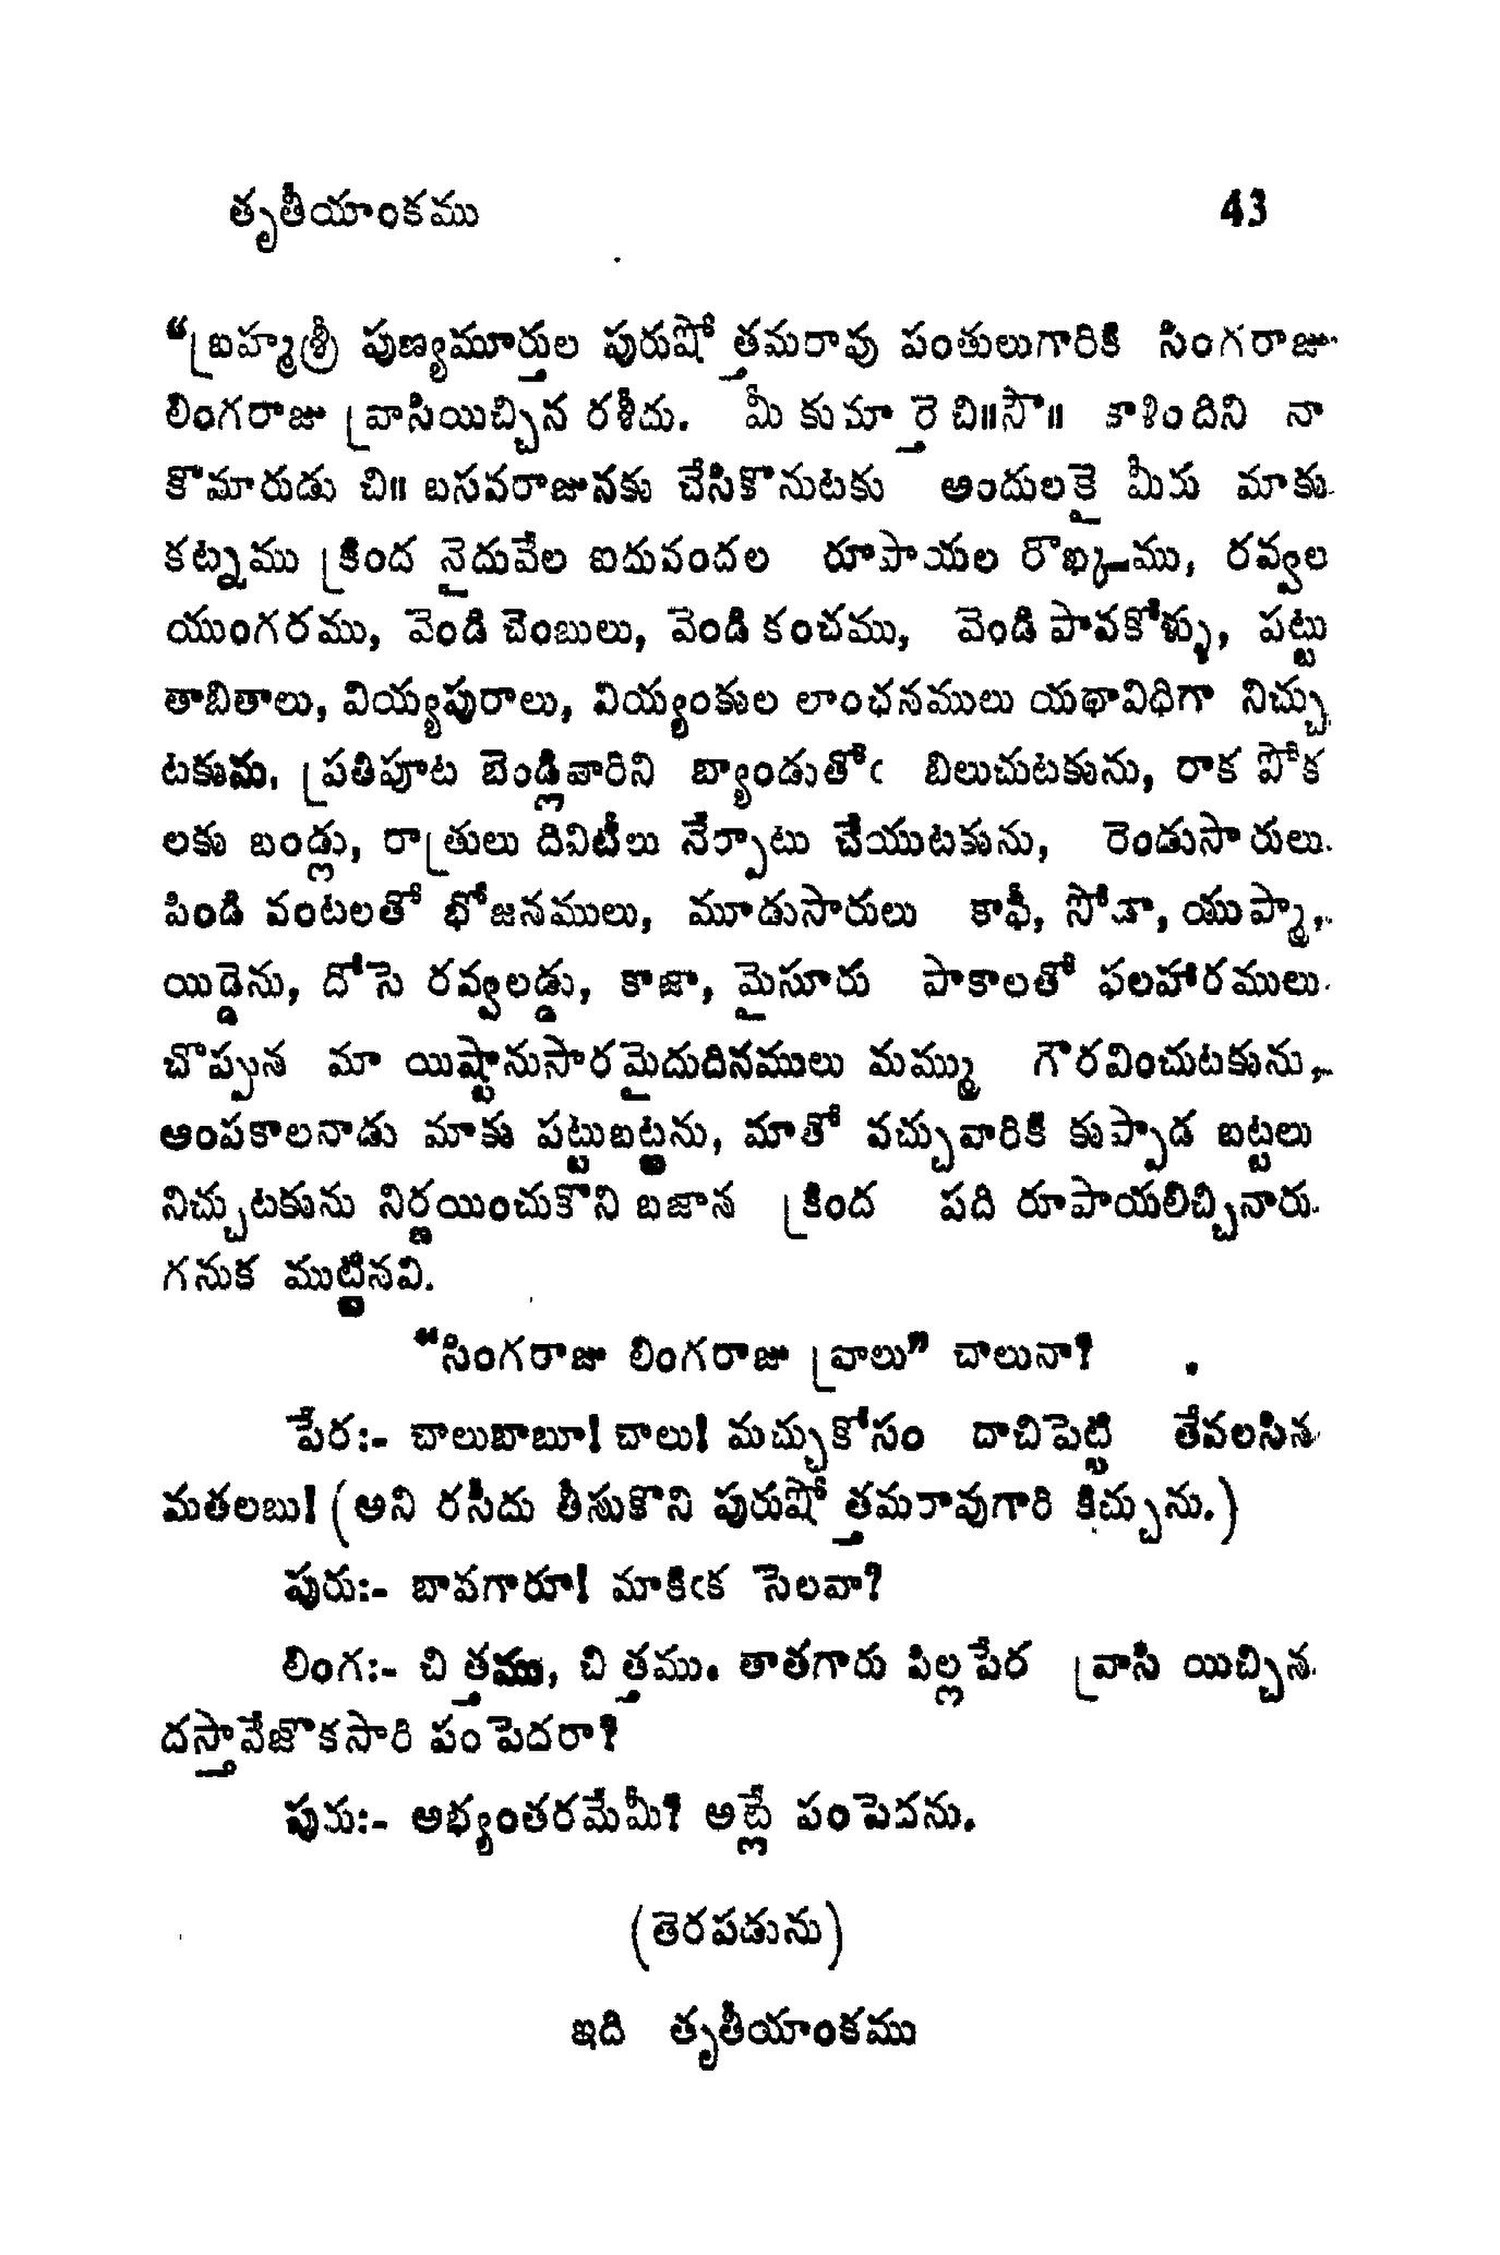"బ్రహ్మశ్రీ పుణ్యమూర్తుల పురుషోత్తమరావు పంతులుగారికి సింగరాజు లింగరాజు వ్రాసియిచ్చిన రశీదు. మీ కుమార్తె చి||సౌ|| కాళిందిని నా కొమారుడు చి|| బసవరాజునకు చేసికొనుటకు అందులకై మీరు మాకు కట్నము క్రింద నైదువేల ఐదువందల రూపాయల రొఖ్కము, రవ్వల యుంగరము, వెండి చెంబులు, వెండి కంచము, వెండి పావకోళ్ళు, పట్టు తాబితాలు, వియ్యపురాలు, వియ్యంకుల లాంఛనలములు యథావిధిగా నిచ్చుటకును. ప్రతిపూట బెండ్లివారిని బ్యాండుతోఁ బిలుచుటకును, రాక పోకలకు బండ్లు, రాత్రులు దివిటీలు నేర్పాటు చేయుటకును, రెండుసారులు పిండి వంటలతో భోజనములు, మూడుసారులు కాఫీ, సోడా, యుప్మా, యిడ్డెను, దోసె రవ్వలడ్డు, కాజా, మైసూరు పాకాలతో ఫలహారములు చొప్పున మా యిష్టానుసారమైదుదినములు మమ్ము గౌరవించుటకును అంపకాలనాడు మాకు పట్టుబట్టను, మాతో వచ్చువారికి కుప్పాడ బట్టలు నిచ్చుటకును నిర్ణయించుకొని బజాన క్రింద పది రూపాయలిచ్చినారు. గనుక ముట్టినవి.

పేర :- చాలుబాబు! చాలు! మచ్చుకోసం దాచిపెట్టి తేవలసిన మతలబు! (అని రసీదు తీసుకొని పురుషోత్తమరావుగారి కిచ్చును.)

పురు :- బావగారూ! మాకిఁక సెలవా?

లింగ :- చిత్తము, చిత్తము. తాతగారు పిల్లపేర వ్రాసి యిచ్చిన దస్తావేజొకసారి పంపెదరా?

పురు :- అభ్యంతరమేమీ? అట్లే పంపెదను.